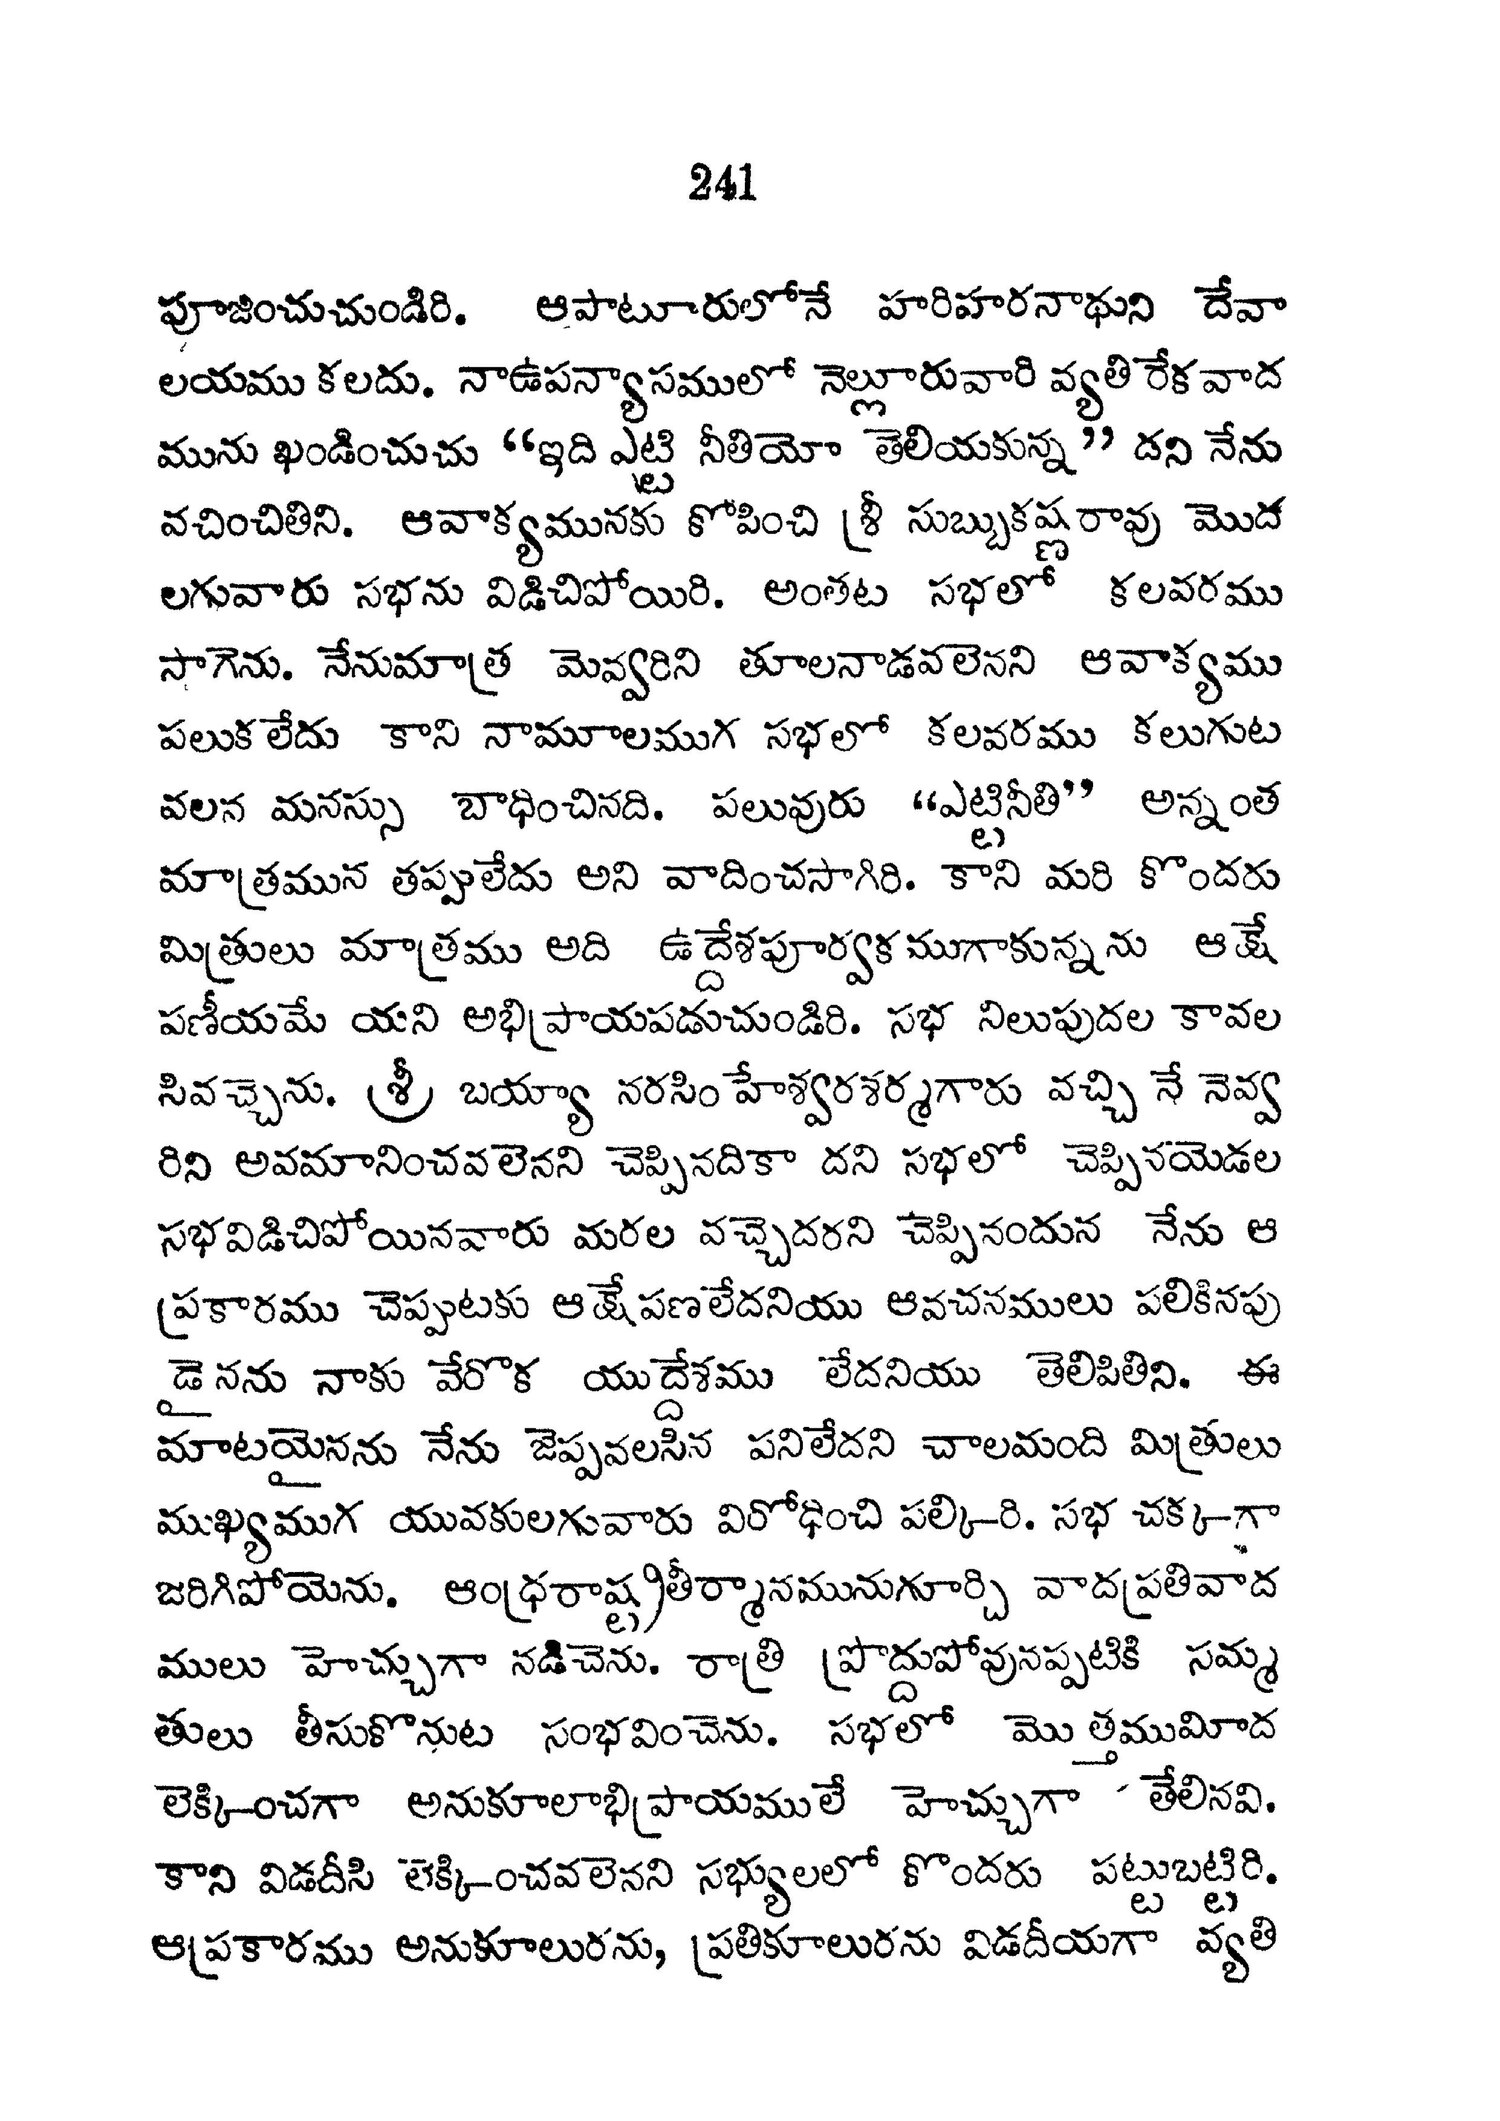పూజించుచుండిరి. ఆపాటూరులోనే హరిహరనాథుని దేవాలయము కలదు. నాఉపన్యాసములో నెల్లూరువారి వ్యతిరేకవాదమును ఖండించుచు "ఇది ఎట్టి నీతియో తెలియకున్న" దని నేను వచించితిని. ఆవాక్యమునకు కోపించి శ్రీ సుబ్బుకృష్ణరావు మొదలగువారు సభను విడిచిపోయిరి. అంతట సభలో కలవరము సాగెను. నేనుమాత్ర మెవ్వరిని తూలనాడవలెనని ఆవాక్యము పలుకలేదు కాని నామూలముగ సభలో కలవరము కలుగుట వలన మనస్సు బాధించినది. పలువురు "ఎట్టినీతి" అన్నంత మాత్రమున తప్పులేదు అని వాదించసాగిరి. కాని మరి కొందరు మిత్రులు మాత్రము అది ఉద్దేశపూర్వకముగాకున్నను ఆక్షేపణీయమే యని అభిప్రాయపడుచుండిరి. సభ నిలుపుదల కావలసివచ్చెను. శ్రీ బయ్యా నరసింహేశ్వరశర్మగారు వచ్చి నే నెవ్వరిని అవమానించవలెనని చెప్పినదికా దని సభలో చెప్పినయెడల సభవిడిచిపోయినవారు మరల వచ్చెదరని చెప్పినందున నేను ఆప్రకారము చెప్పుటకు ఆక్షేపణలేదనియు ఆవచనములు పలికినపుడైనను నాకు వేరొక యుద్దేశము లేదనియు తెలిపితిని. ఈ మాటయైనను నేను జెప్పవలసిన పనిలేదని చాలమంది మిత్రులు ముఖ్యముగ యువకులగువారు విరోధించి పల్కిరి. సభ చక్కగా జరిగిపోయెను. ఆంధ్రరాష్ట్రతీర్మానమునుగూర్చి వాదప్రతివాదములు హెచ్చుగా నడిచెను. రాత్రి ప్రొద్దుపోవునప్పటికి సమ్మతులు తీసుకొనుట సంభవించెను. సభలో మొత్తముమీద లెక్కించగా అనుకూలాభిప్రాయములే హెచ్చుగా తేలినవి. కాని విడదీసి లెక్కించవలెనని సభ్యులలో కొందరు పట్టుబట్టిరి. ఆప్రకారము అనుకూలురను, ప్రతికూలురను విడదీయగా వ్యతి